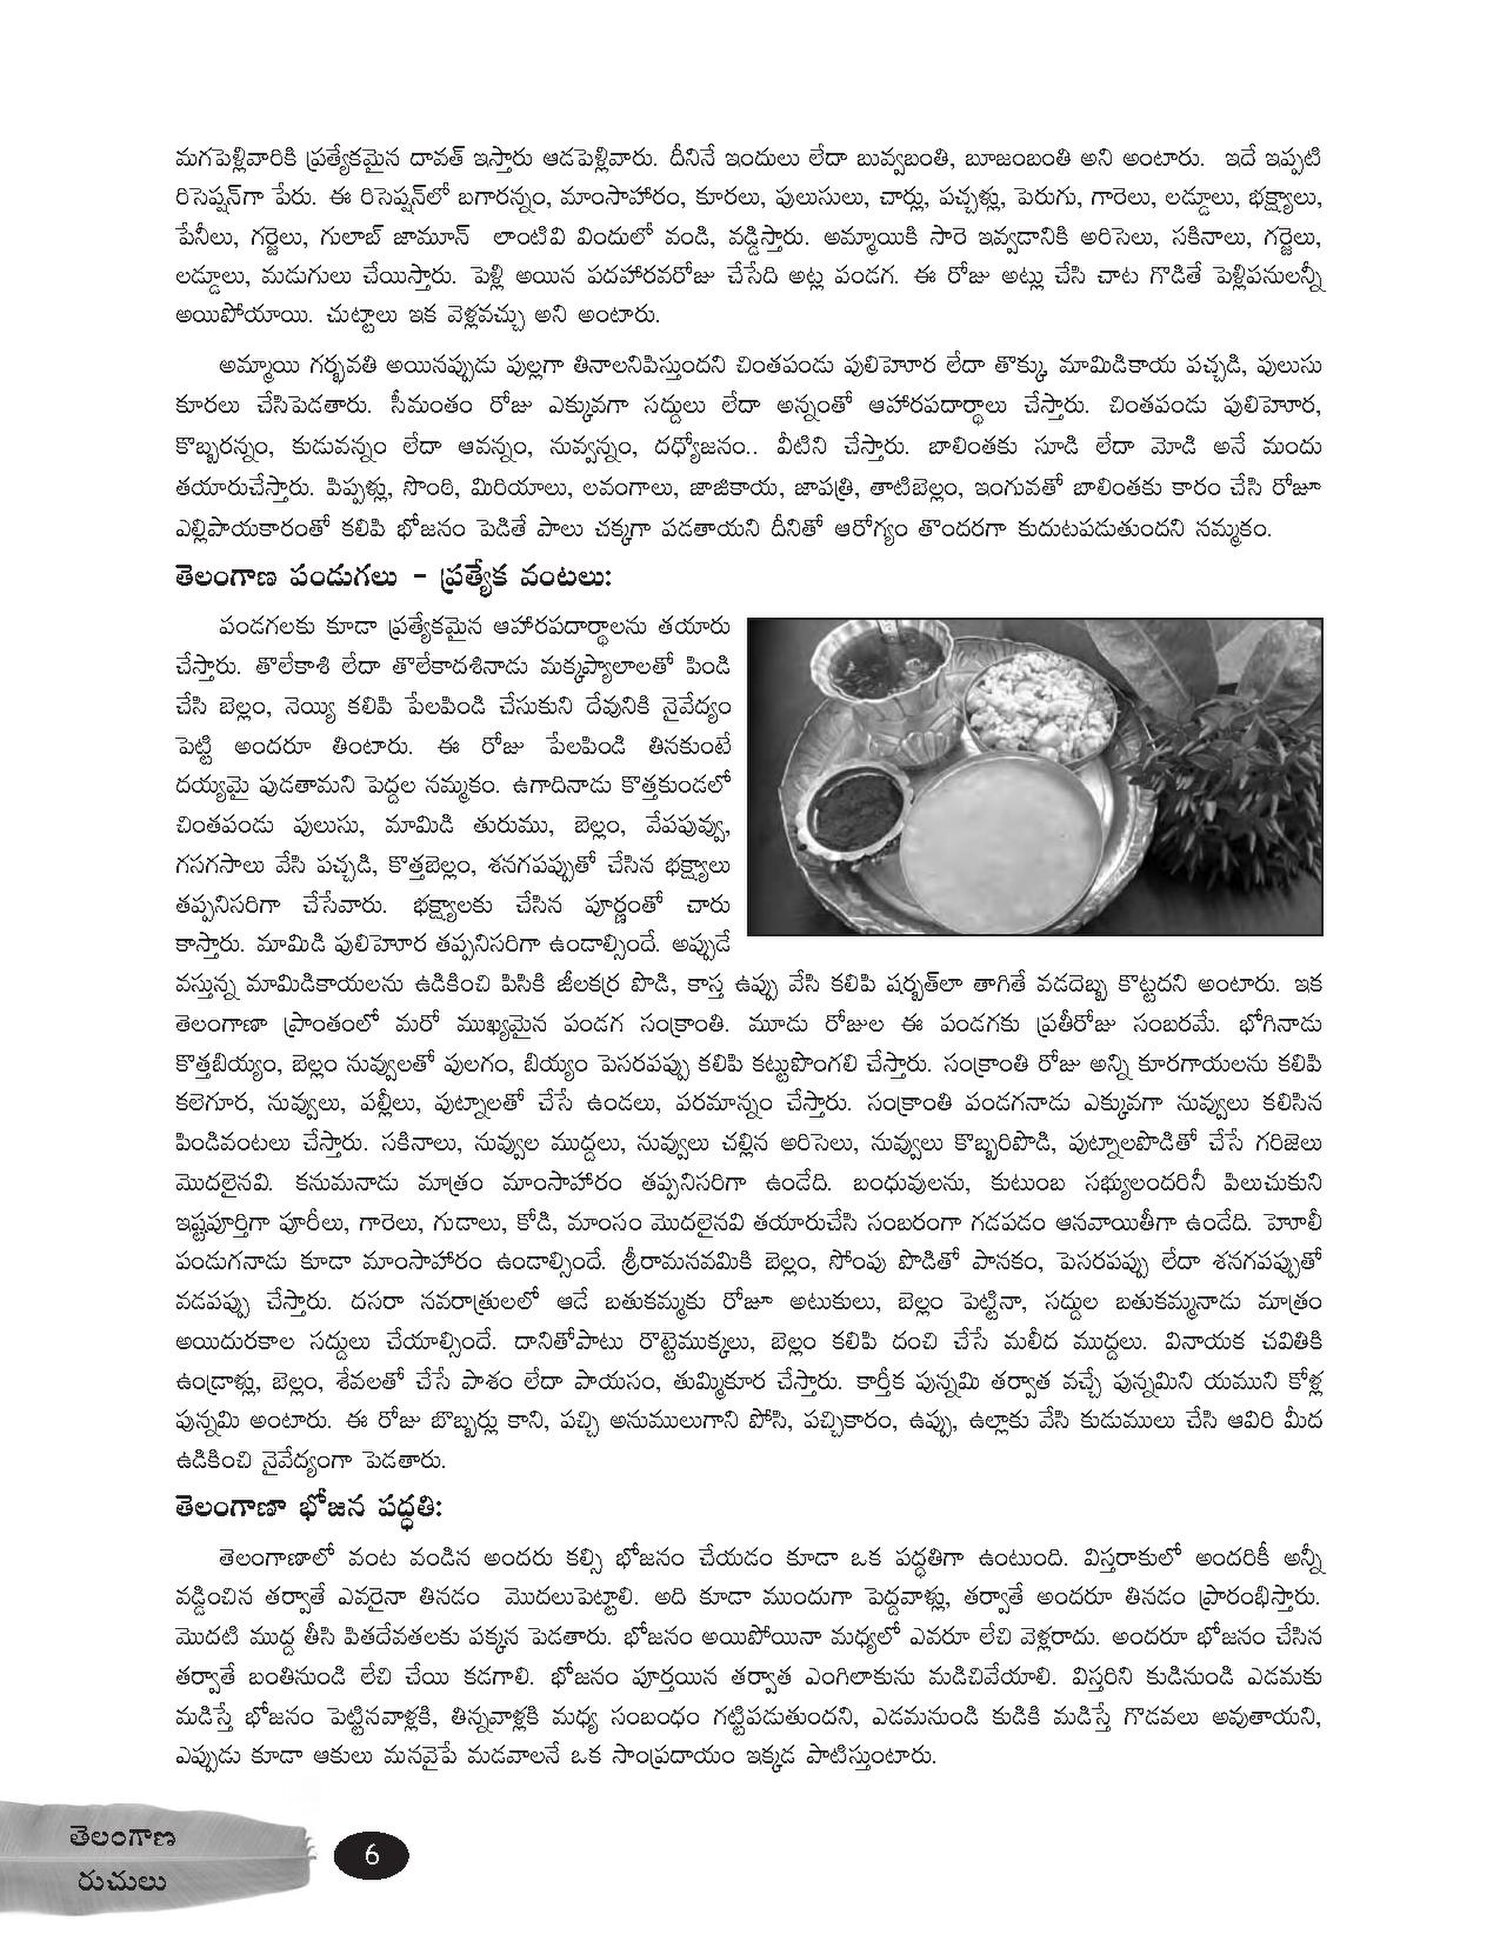మగపెళ్లివారికి ప్రత్యేకమైన దావత్ ఇస్తారు ఆడపెళ్లివారు. దీనినే ఇందులు లేదా బువ్వబంతి, బూజంబంతి అని అంటారు. ఇదే ఇప్పటి రిసెప్షన్ పేరు. ఈ రిసెప్షన్లో బగారన్నం, మాంసాహారం, కూరలు, పులుసులు, చార్లు, పచ్చళ్లు, పెరుగు, గారెలు, లడ్డూలు, భక్ష్యాలు, పేనీలు, గర్జెలు, గులాబ్ జామూన్ లాంటివి విందులో వండి, వడ్డిస్తారు. అమ్మాయికి సారె ఇవ్వడానికి అరిసెలు, సకినాలు, గర్జెలు, లడ్డూలు, మడుగులు చేయిస్తారు. పెళ్లి అయిన పదహారవరోజు చేసేది అట్ల పండగ. ఈ రోజు అట్లు చేసి చాట గొడితే పెళ్లిపనులన్నీ అయిపోయాయి. చుట్టాలు ఇక వెళ్లవచ్చు అని అంటారు.

అమ్మాయి గర్భవతి అయినప్పుడు పుల్లగా తినాలనిపిస్తుందని చింతపండు పులిహోర లేదా తొక్కు మామిడికాయ పచ్చడి, పులుసు కూరలు చేసిపెడతారు. సీమంతం రోజు ఎక్కువగా సద్దులు లేదా అన్నంతో ఆహారపదార్థాలు చేస్తారు. చింతపండు పులిహోర, కొబ్బరన్నం, కుడువన్నం లేదా ఆవన్నం, నువ్వన్నం, దధ్యోజనం.. వీటిని చేస్తారు. బాలింతకు సూడి లేదా మోడి అనే మందు తయారుచేస్తారు. పిప్పళ్లు, సొంఠి, మిరియాలు, లవంగాలు, జాజికాయ, జాపత్రి, తాటిబెల్లం, ఇంగువతో బాలింతకు కారం చేసి రోజూ ఎల్లిపాయకారంతో కలిపి భోజనం పెడితే పాలు చక్కగా పడతాయని దీనితో ఆరోగ్యం తొందరగా కుదుటపడుతుందని నమ్మకం.

తెలంగాణ పండుగలు - ప్రత్యేక వంటలు:

పండగలకు కూడా ప్రత్యేకమైన ఆహారపదార్థాలను తయారుచేస్తారు. తొలేకాశి లేదా తొలేకాదశినాడు మక్కపాలాలతో పిండి
చేసి బెల్లం, నెయ్యి కలిపి పేలపిండి చేసుకుని దేవునికి నైవేద్యం పెట్టి అందరూ తింటారు. ఈ రోజు పేలపిండి తినకుంటే దయ్యమై పుడతామని పెద్దల నమ్మకం. ఉగాదినాడు కొత్తకుండలో చింతపండు పులుసు, మామిడి తురుము, బెల్లం, వేపపువ్వు, గసగసాలు వేసి పచ్చడి, కొత్తబెల్లం, శనగపప్పుతో చేసిన భక్ష్యాలు తప్పనిసరిగా చేసేవారు. భక్ష్యాలకు చేసిన పూర్ణంతో చారు కాస్తారు. మామిడి పులిహోర తప్పనిసరిగా ఉండాల్సిందే. అప్పుడే వస్తున్న మామిడికాయలను ఉడికించి పిసికి జీలకర్ర పొడి, కాస్త ఉప్పు వేసి కలిపి షర్బత్లో తాగితే వడదెబ్బ కొట్టదని అంటారు. ఇక తెలంగాణా ప్రాంతంలో మరో ముఖ్యమైన పండగ సంక్రాంతి. మూడు రోజుల ఈ పండగకు ప్రతీరోజు సంబరమే. భోగినాడు కొత్త బియ్యం, బెల్లం నువ్వులతో పులగం, బియ్యం పెసరపప్పు కలిపి కట్టుపొంగలి చేస్తారు. సంక్రాంతి రోజు అన్ని కూరగాయలను కలిపి కలెగూర, నువ్వులు, పల్లీలు, పుట్నాలతో చేసే ఉండలు, పరమాన్నం చేస్తారు. సంక్రాంతి పండగనాడు ఎక్కువగా నువ్వులు కలిసిన పిండివంటలు చేస్తారు. సకినాలు, నువ్వుల ముద్దలు, నువ్వులు చల్లిన అరిసెలు, నువ్వులు కొబ్బరిపొడి, పుట్నాలపొడితో చేసే గరిజెలు మొదలైనవి. కనుమనాడు మాత్రం మాంసాహారం తప్పనిసరిగా ఉండేది. బంధువులను, కుటుంబ సభ్యులందరినీ పిలుచుకుని ఇష్టపూర్తిగా పూరీలు, గారెలు, గుడాలు, కోడి, మాంసం మొదలైనవి తయారుచేసి సంబరంగా గడపడం ఆనవాయితీగా ఉండేది. హెూలీ పండుగనాడు కూడా మాంసాహారం ఉండాల్సిందే. శ్రీరామనవమికి బెల్లం, సోంపు పొడితో పానకం, పెసరపప్పు లేదా శనగపప్పుతో వడపప్పు చేస్తారు. దసరా నవరాత్రులలో ఆడే బతుకమ్మకు రోజూ అటుకులు, బెల్లం పెట్టినా, సద్దుల బతుకమ్మనాడు మాత్రం అయిదురకాల సద్దులు చేయాల్సిందే. దానితోపాటు రొట్టెముక్కలు, బెల్లం కలిపి దంచి చేసే మలీద ముద్దలు. వినాయక చవితికి ఉండ్రాళ్లు, బెల్లం, శేవలతో చేసే పాశం లేదా పాయసం, తుమ్మికూర చేస్తారు. కార్తీక పున్నమి తర్వాత వచ్చే పున్నమిని యముని కోళ్ల పున్నమి అంటారు. ఈ రోజు బొబ్బర్లు కాని, పచ్చి అనుములుగాని పోసి, పచ్చికారం, ఉప్పు, ఉల్లాకు వేసి కుడుములు చేసి ఆవిరి మీద ఉడికించి నైవేద్యంగా పెడతారు.

తెలంగాణా భోజన పద్ధతి:

తెలంగాణాలో వంట వండిన అందరు కల్సి భోజనం చేయడం కూడా ఒక పద్ధతిగా ఉంటుంది. విస్తరాకులో అందరికీ అన్నీ వడ్డించిన తర్వాతే ఎవరైనా తినడం మొదలుపెట్టాలి. అది కూడా ముందుగా పెద్దవాళ్లు, తర్వాతే అందరూ తినడం ప్రారంభిస్తారు. మొదటి ముద్ద తీసి పితదేవతలకు పక్కన పెడతారు. భోజనం అయిపోయినా మధ్యలో ఎవరూ లేచి వెళ్లరాదు. అందరూ భోజనం చేసిన తర్వాతే బంతినుండి లేచి చేయి కడగాలి. భోజనం పూర్తయిన తర్వాత ఎంగిలాకును మడిచివేయాలి. విస్తరిని కుడినుండి ఎడమకు మడిస్తే భోజనం పెట్టినవాళ్లకి, తిన్నవాళ్లకి మధ్య సంబంధం గట్టిపడుతుందని, ఎడమనుండి కుడికి మడిస్తే గొడవలు అవుతాయని, ఎప్పుడు కూడా ఆకులు మనవైపే మడవాలనే ఒక సాంప్రదాయం ఇక్కడ పాటిస్తుంటారు.